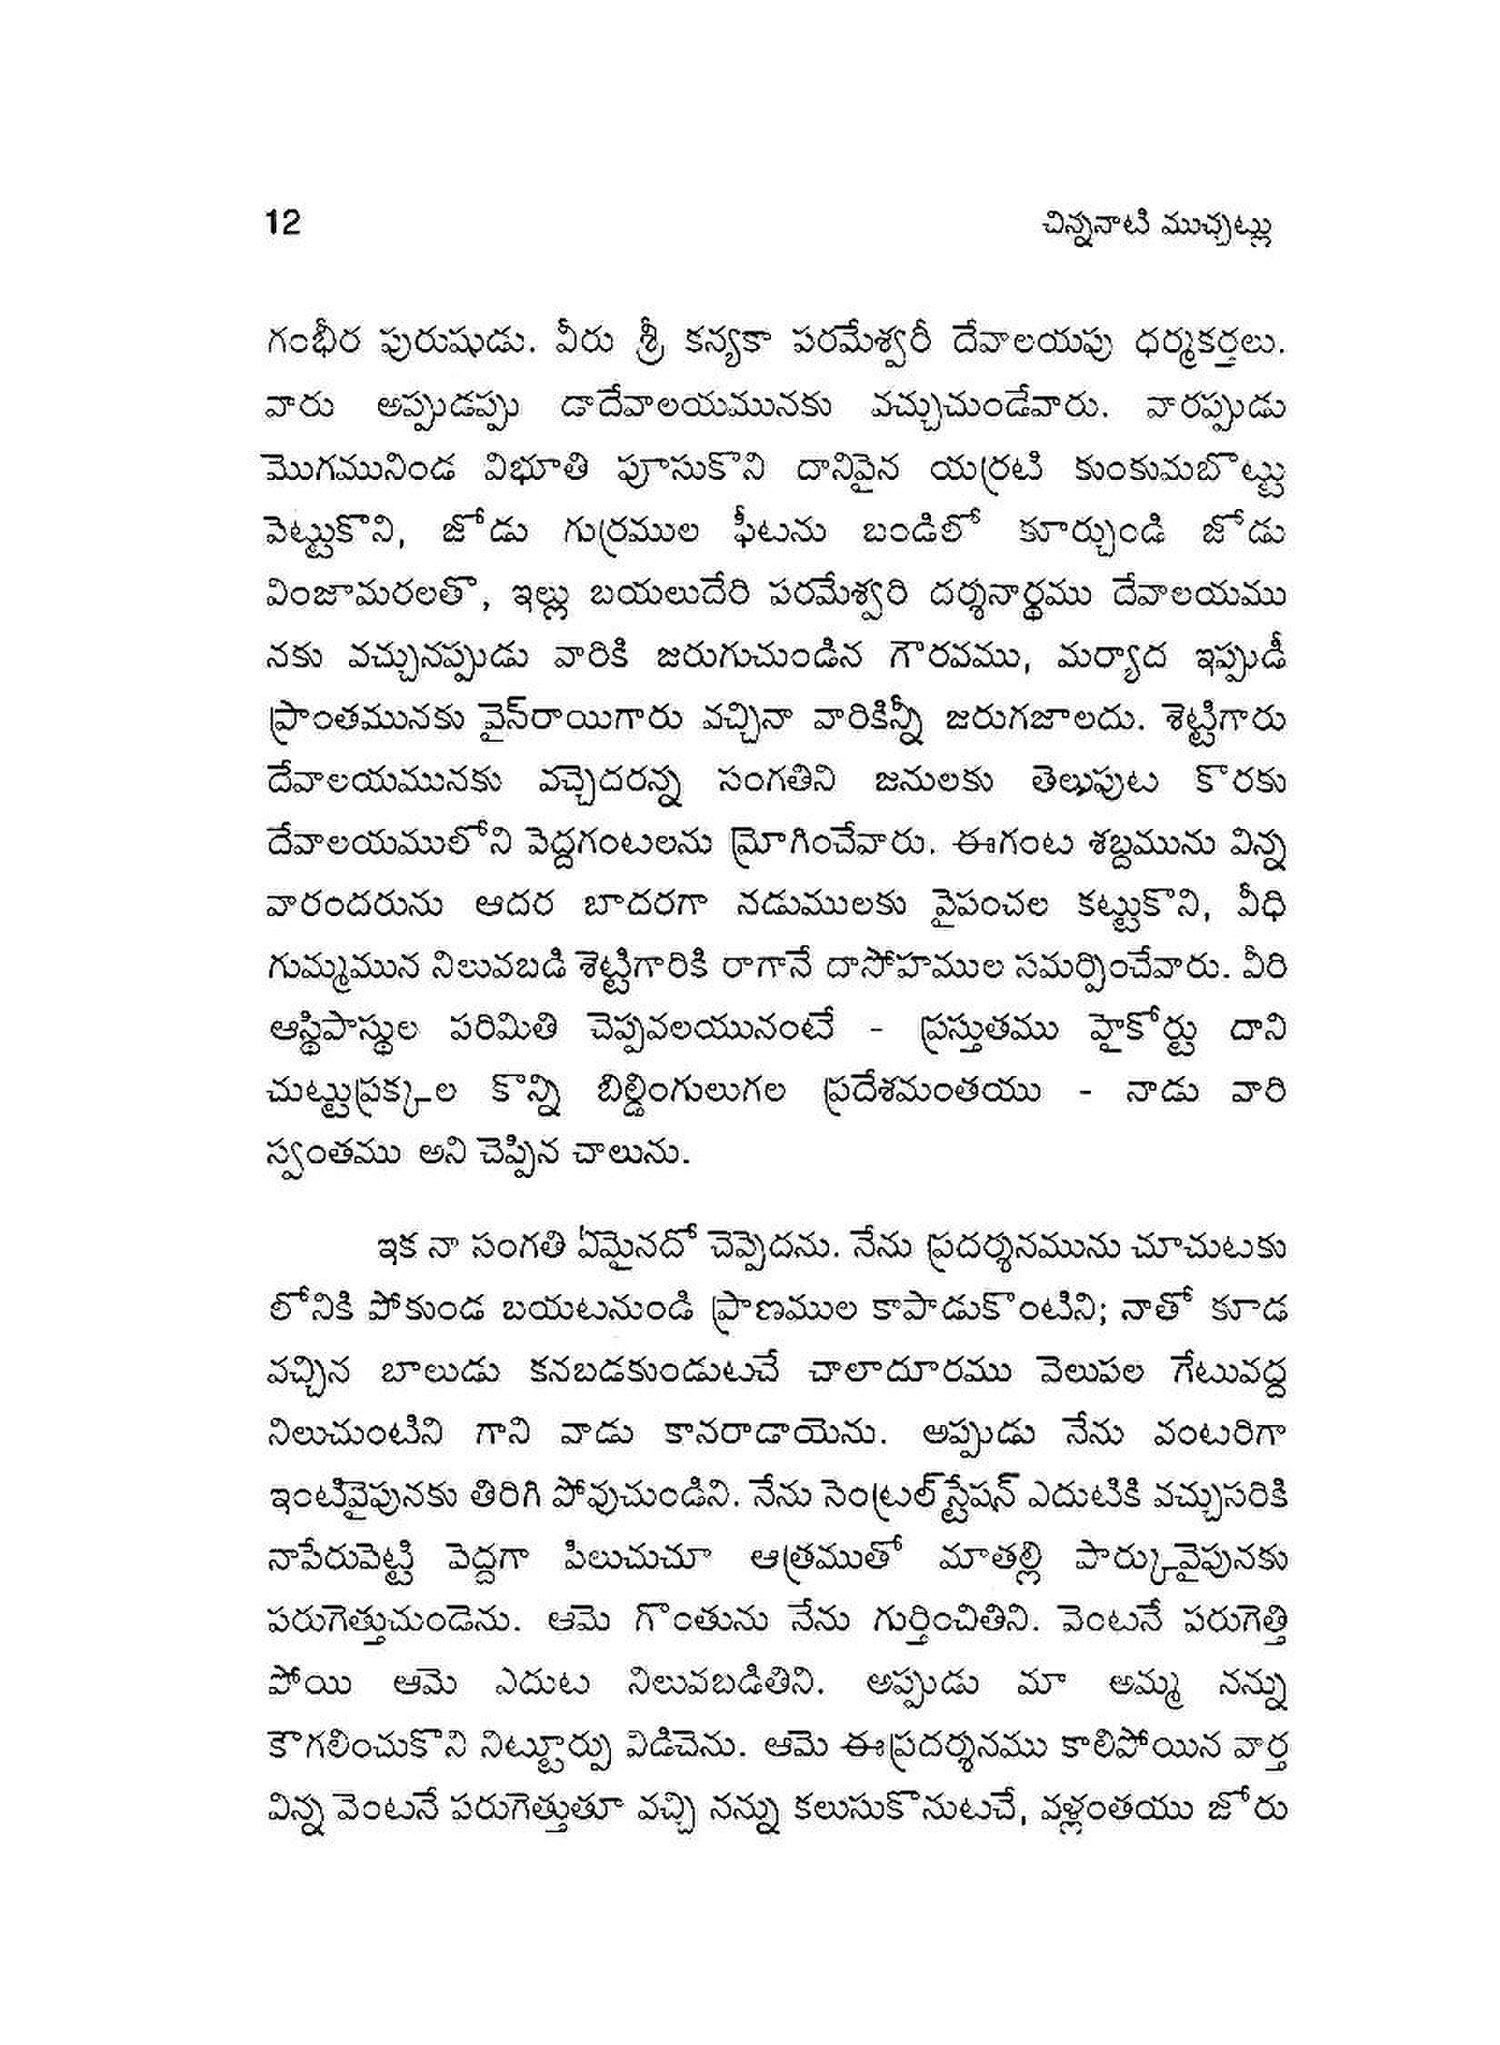గంభీర పురుషుడు. వీరు శ్రీ కన్యకా పరమేశ్వరీ దేవాలయపు ధర్మకర్తలు. వారు అప్పుడప్పు డాదేవాలయమునకు వచ్చుచుండేవారు. వారప్పుడు మొగమునిండ విభూతి పూసుకొని దానిపైన యర్రటి కుంకుమబొట్టు పెట్టుకొని, జోడు గుర్రముల ఫీటను బండిలో కూర్చుండి జోడు వింజామరలతో, ఇల్లు బయలుదేరి పరమేశ్వరి దర్శనార్ధము దేవాలయమునకు వచ్చునప్పుడు వారికి జరుగుచుండిన గౌరవము, మర్యాద ఇప్పడీ ప్రాంతమునకు వైస్రాయిగారు వచ్చినా వారికిన్నీ జరుగజాలదు. శెట్టిగారు దేవాలయమునకు వచ్చెదరన్న సంగతిని జనులకు తెలుపుట కొరకు దేవాలయములోని పెద్దగంటలను మ్రోగించేవారు. ఈగంట శబ్దమును విన్న వారందరును ఆదర బాదరగా నడుములకు పైపంచల కట్టుకొని, వీధి గుమ్మమున నిలువబడిశెట్టిగారికి రాగానే దాసోహముల సమర్పించేవారు. వీరి ఆస్థిపాస్థుల పరిమితి చెప్పవలయునంటే - ప్రస్తుతము హైకోర్టు దాని చుట్టుప్రక్కల కొన్ని బిల్డింగులుగల ప్రదేశమంతయు - నాడు వారి స్వంతము అని చెప్పిన చాలును.

ఇక నా సంగతి ఏమైనదో చెప్పెదను. నేను ప్రదర్శనమును చూచుటకు లోనికి పోకుండ బయటనుండి ప్రాణముల కాపాడుకొంటిని; నాతో కూడ వచ్చిన బాలుడు కనబడకుండుటచే చాలాదూరము వెలుపల గేటువద్ద నిలుచుంటిని గాని వాడు కానరాడాయెను. అప్పడు నేను వంటరిగా ఇంటివైపునకు తిరిగి పోవుచుండిని. నేను సెంట్రల్ స్టేషన్ ఎదుటికి వచ్చుసరికి నాపేరుపెట్టి పెద్దగా పిలుచుచూ ఆత్రముతో మాతల్లి పార్కువైపునకు పరుగెత్తుచుండెను. ఆమె గొంతును నేను గుర్తించితిని. వెంటనే పరుగెత్తి పోయి ఆమె ఎదుట నిలువబడితిని. అప్పడు మా అమ్మ నన్ను కౌగలించుకొని నిట్టూర్పు విడిచెను. ఆమె ఈప్రదర్శనము కాలిపోయిన వార్త విన్న వెంటనే పరుగెత్తుతూ వచ్చి నన్ను కలుసుకొనుటచే, వళ్లంతయు జోరు